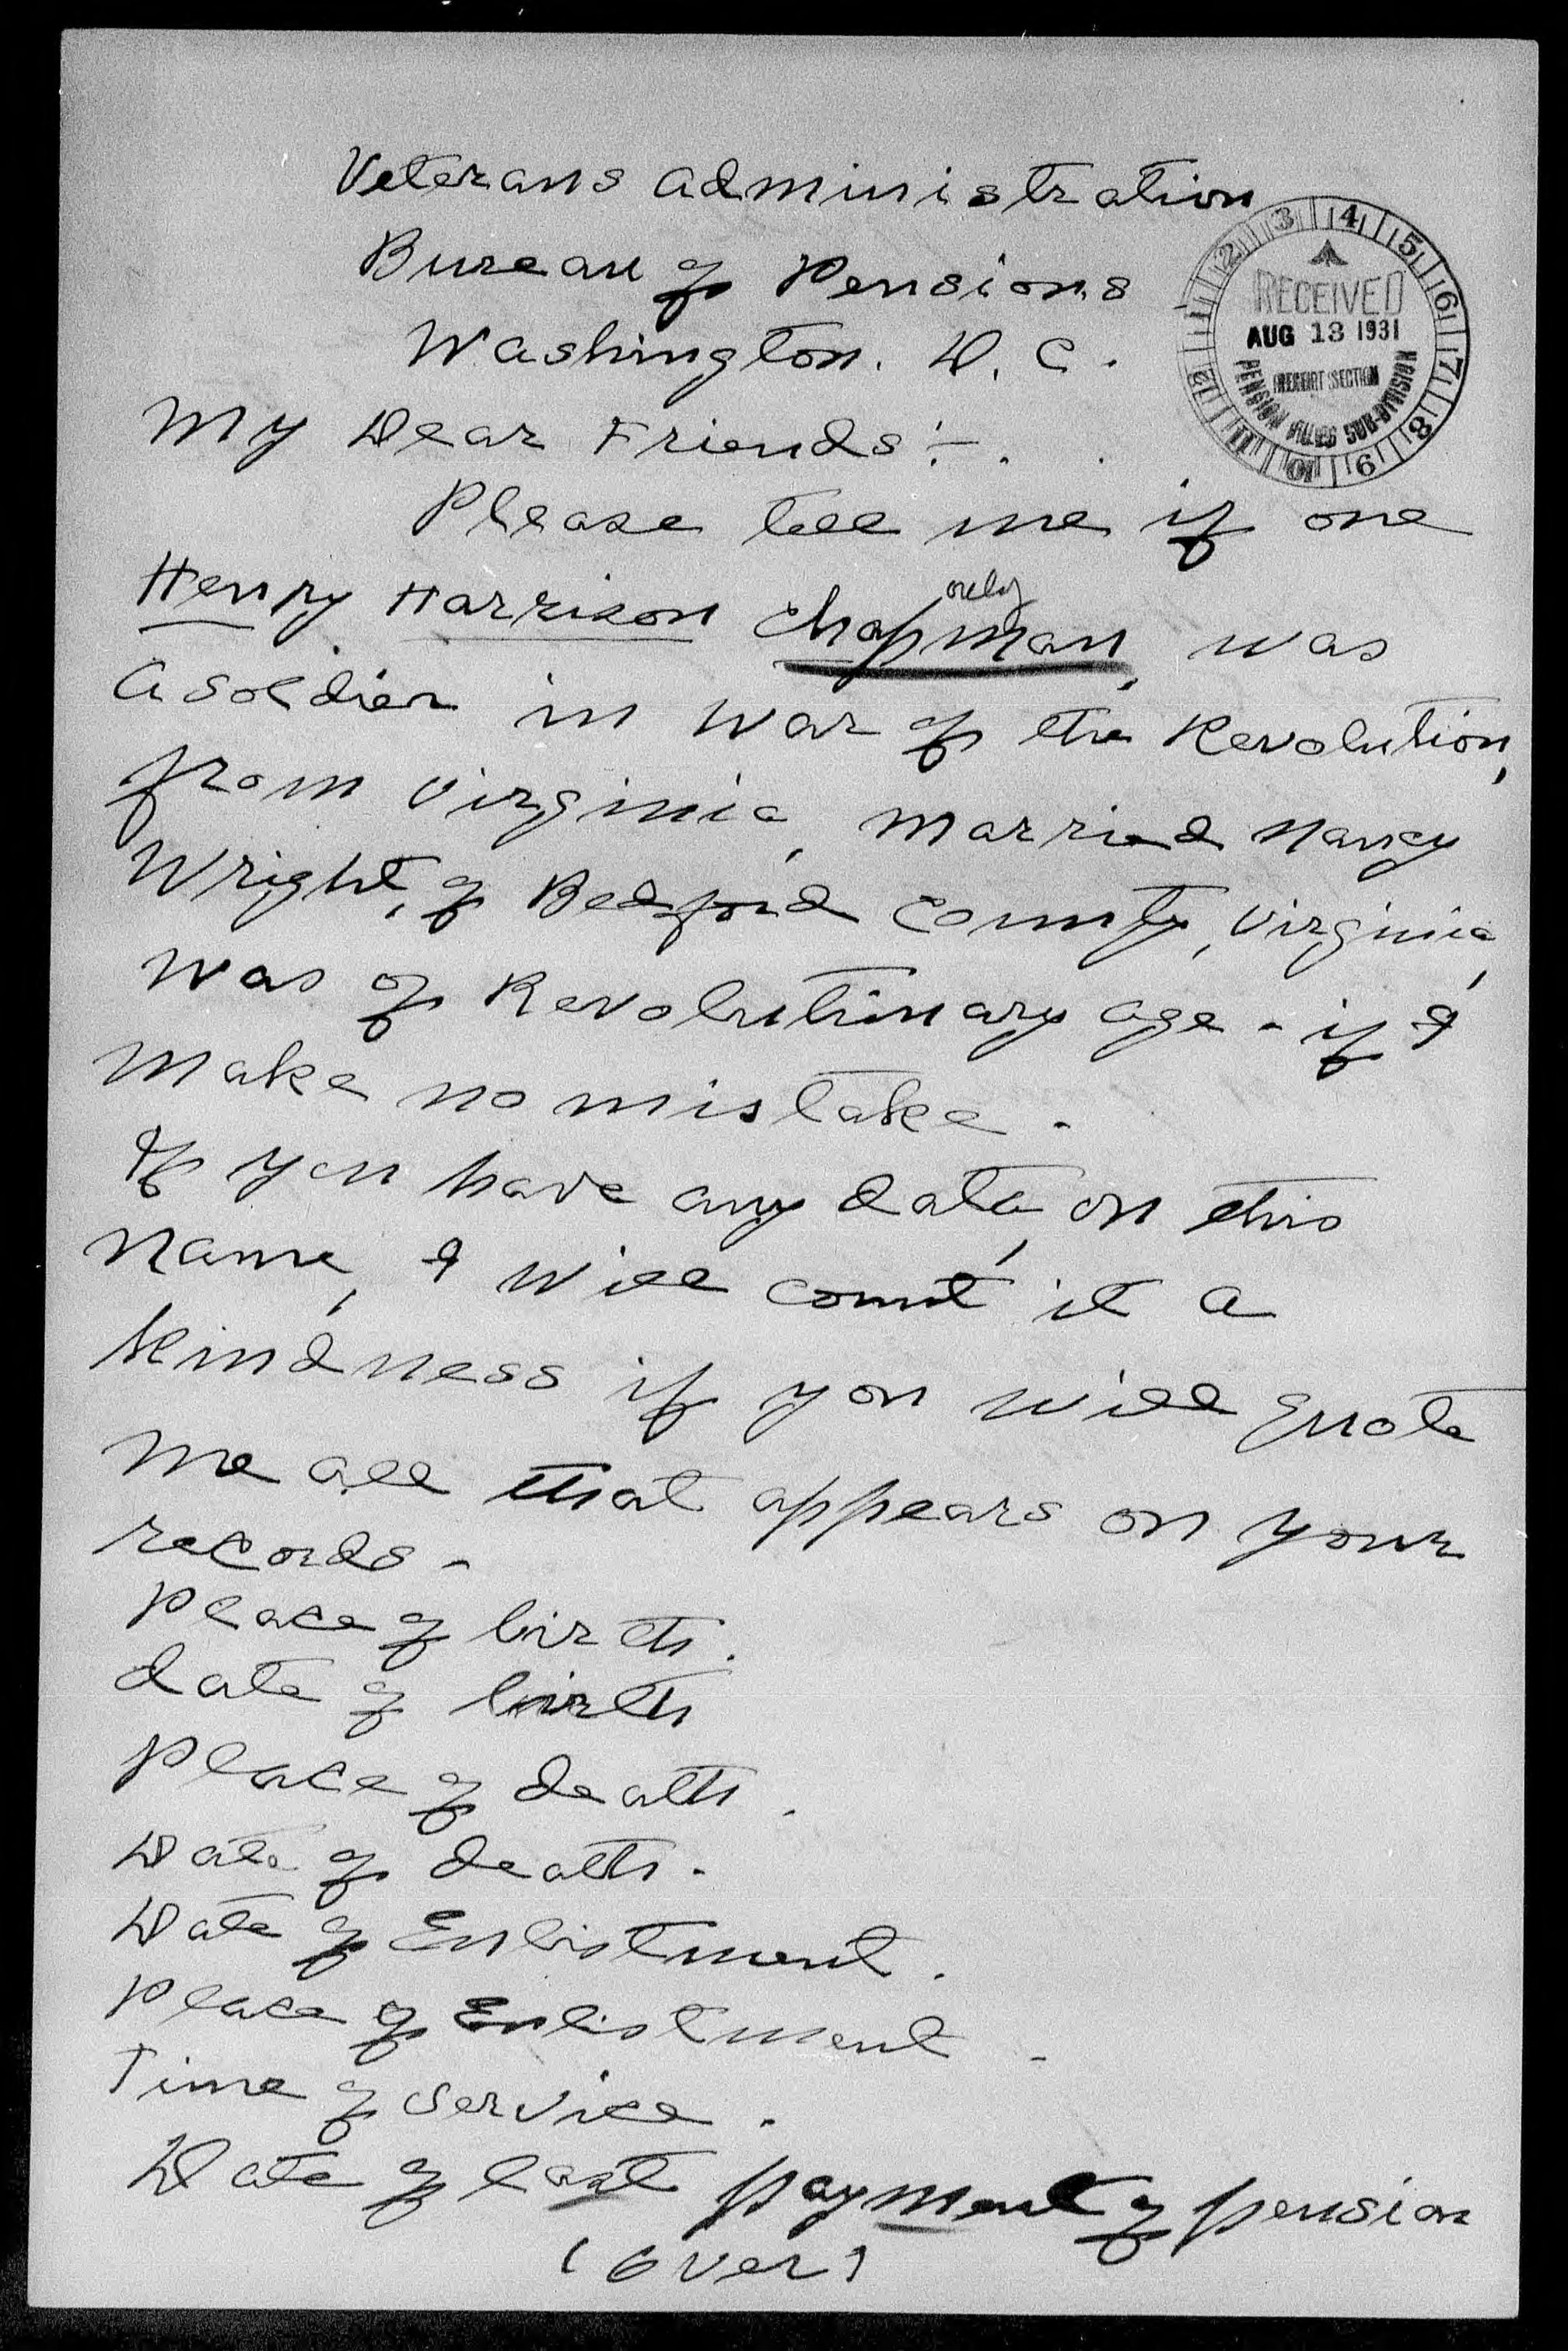PENSION FILES Stamp - Received Aug 13 1931

Veterans Administration
Bureau of Pensions
Washington, D.C.

My dear Frieinds

Please tell me if one Henry Harrison Chapman was a soldier in war of the revolution from Virginia, married Nancy Wright of Bedford County, Virginia, was of revolutionary age if I make no mistake.

I you have any data on this name; I will consider it a kindness if you will write me all that appears on your records.

Place of Birth
Date of Birth
Place of Death
Date of Death
Date of Enlistment
Place of Enlistment
Time of Service
Date of last payment of pension 
(over)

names: Henry Harrison Chapman, Nancy Wright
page: 4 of 7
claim: bounty land warrant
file: B.L.Wt. 444-200, Henry H Chapman, Md.